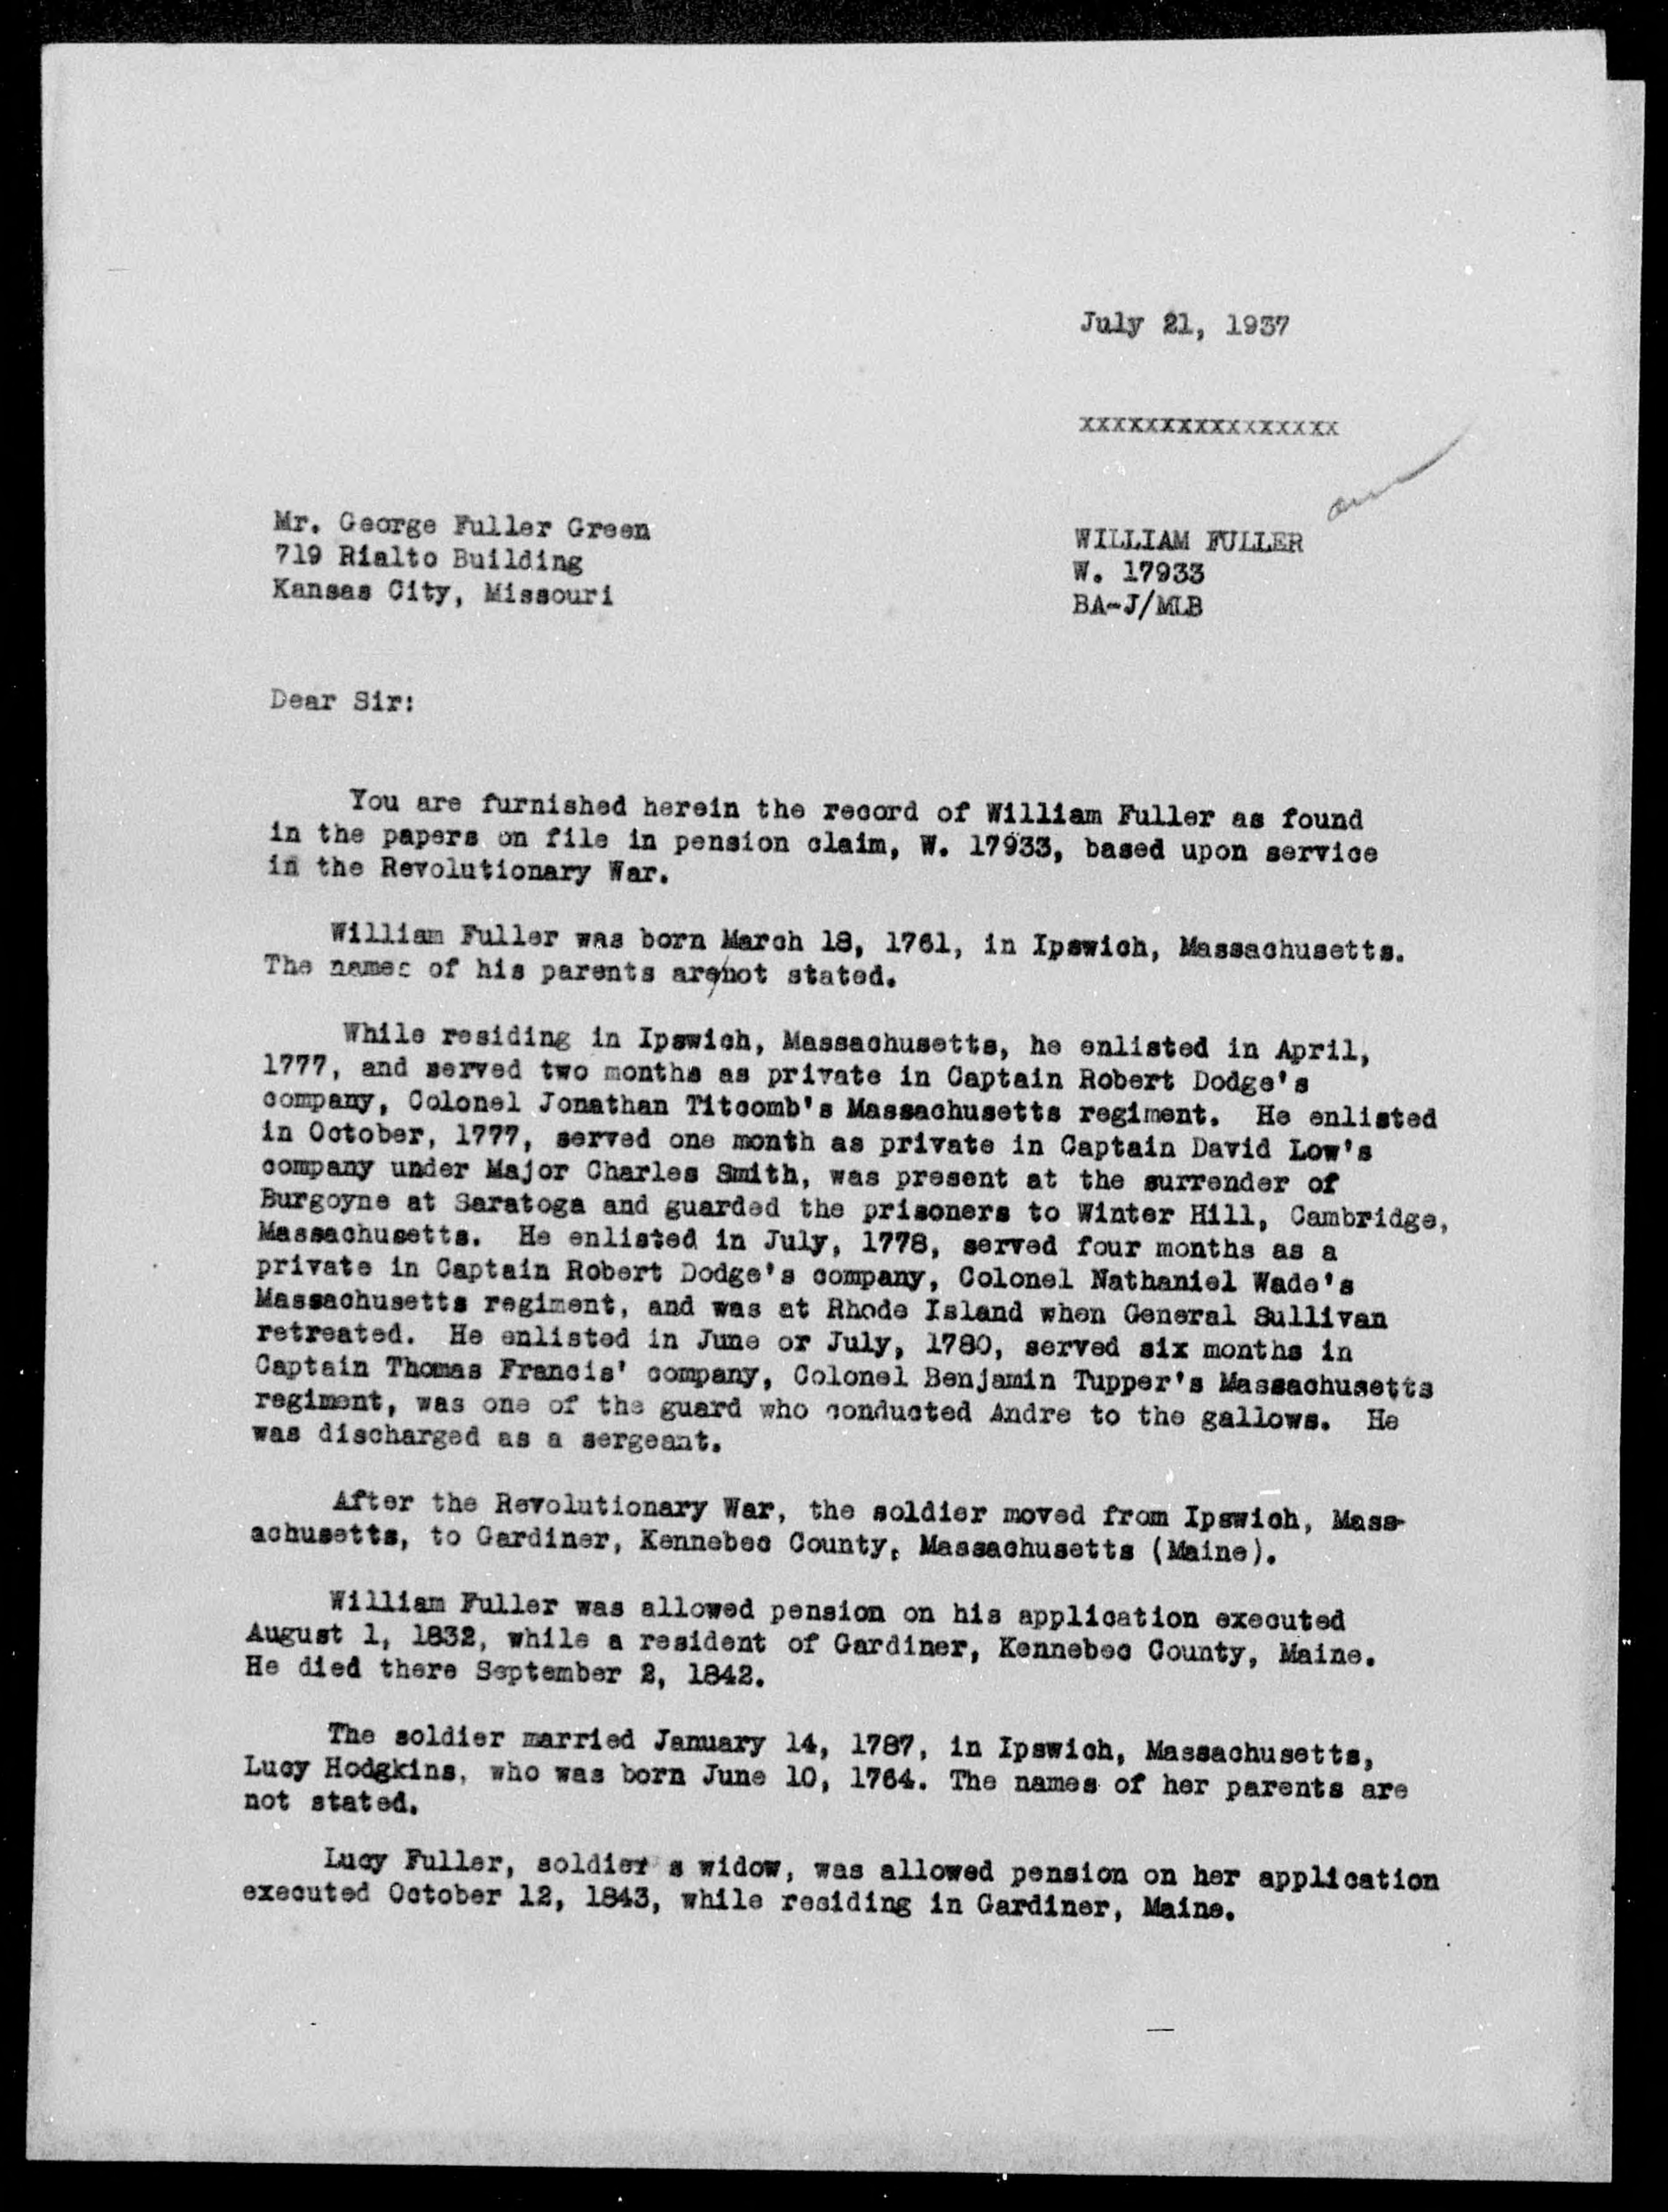July 21, 1937
xxxxxxxxxxxxxx
Mr. George Fuller Green
719 Rialto Building
Kansas City, Missouri
WILLIAM FULLER [initials added in margin]
W. 17933
BA-J/MLB
Dear Sir:
You are furnished herein the record of William Fuller as found in the papers on file in pension claim, W. 17933, based upon service in the Revolutionary War.
William Fuller was born March 18, 1761, in Ipswich, Massachusetts. The names of his parents are/not stated.
While residing in Ipswich, Massachusetts, he enlisted in April, 1777, and served two months as private in Captain Robert Dodge’s company, Colonel Jonathan Titcomb’s Massachusetts regiment. He enlisted in October, 1777, served one month as private in Captain David Low's company under Major Charles Smith, was present at the surrender of Burgoyne at Saratoga and guarded the prisoners to Winter Hill, Cambridge, Massachusetts. He enlisted in July, 1778, served four months as a private in Captain Robert Dodge’s company, Colonel Nathaniel Wade’s Massachusetts regiment, and was at Rhode Island when General Sullivan retreated. He enlisted in June or July, 1780, served six months in Captain Thomas Francis' company, Colonel Benjamin Tupper's Massachusetts regiment, was one of the guard who conducted Andre to the gallows. He was discharged as a Sergeant.
After the Revolutionary War, the soldier moved from Ipswich, Massachusetts, to Gardiner, Kennebec County, Massachusetts (Maine).
William Fuller was allowed pension on his application executed August 1, 1832, while a resident of Gardiner, Kennebec County, Maine. He died there September 2, 1842.
The soldier married January 14, 1787, in Ipswich, Massachusetts, Lucy Hodgkins, who was born June 10, 1764. The names of her parents are not stated.
Lucy Fuller, soldier s widow, was allowed pension on her application executed October 12, 1843, while residing in Gardiner, Maine.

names: William Fuller, George Fuller Green, Lucy Fuller, William Fuller, William Fuller, Charles Smith, Lucy Hodgkins, Sullivan, William Fuller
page: 17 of 45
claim: widow's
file: W. 17933, William Fuller, Mass